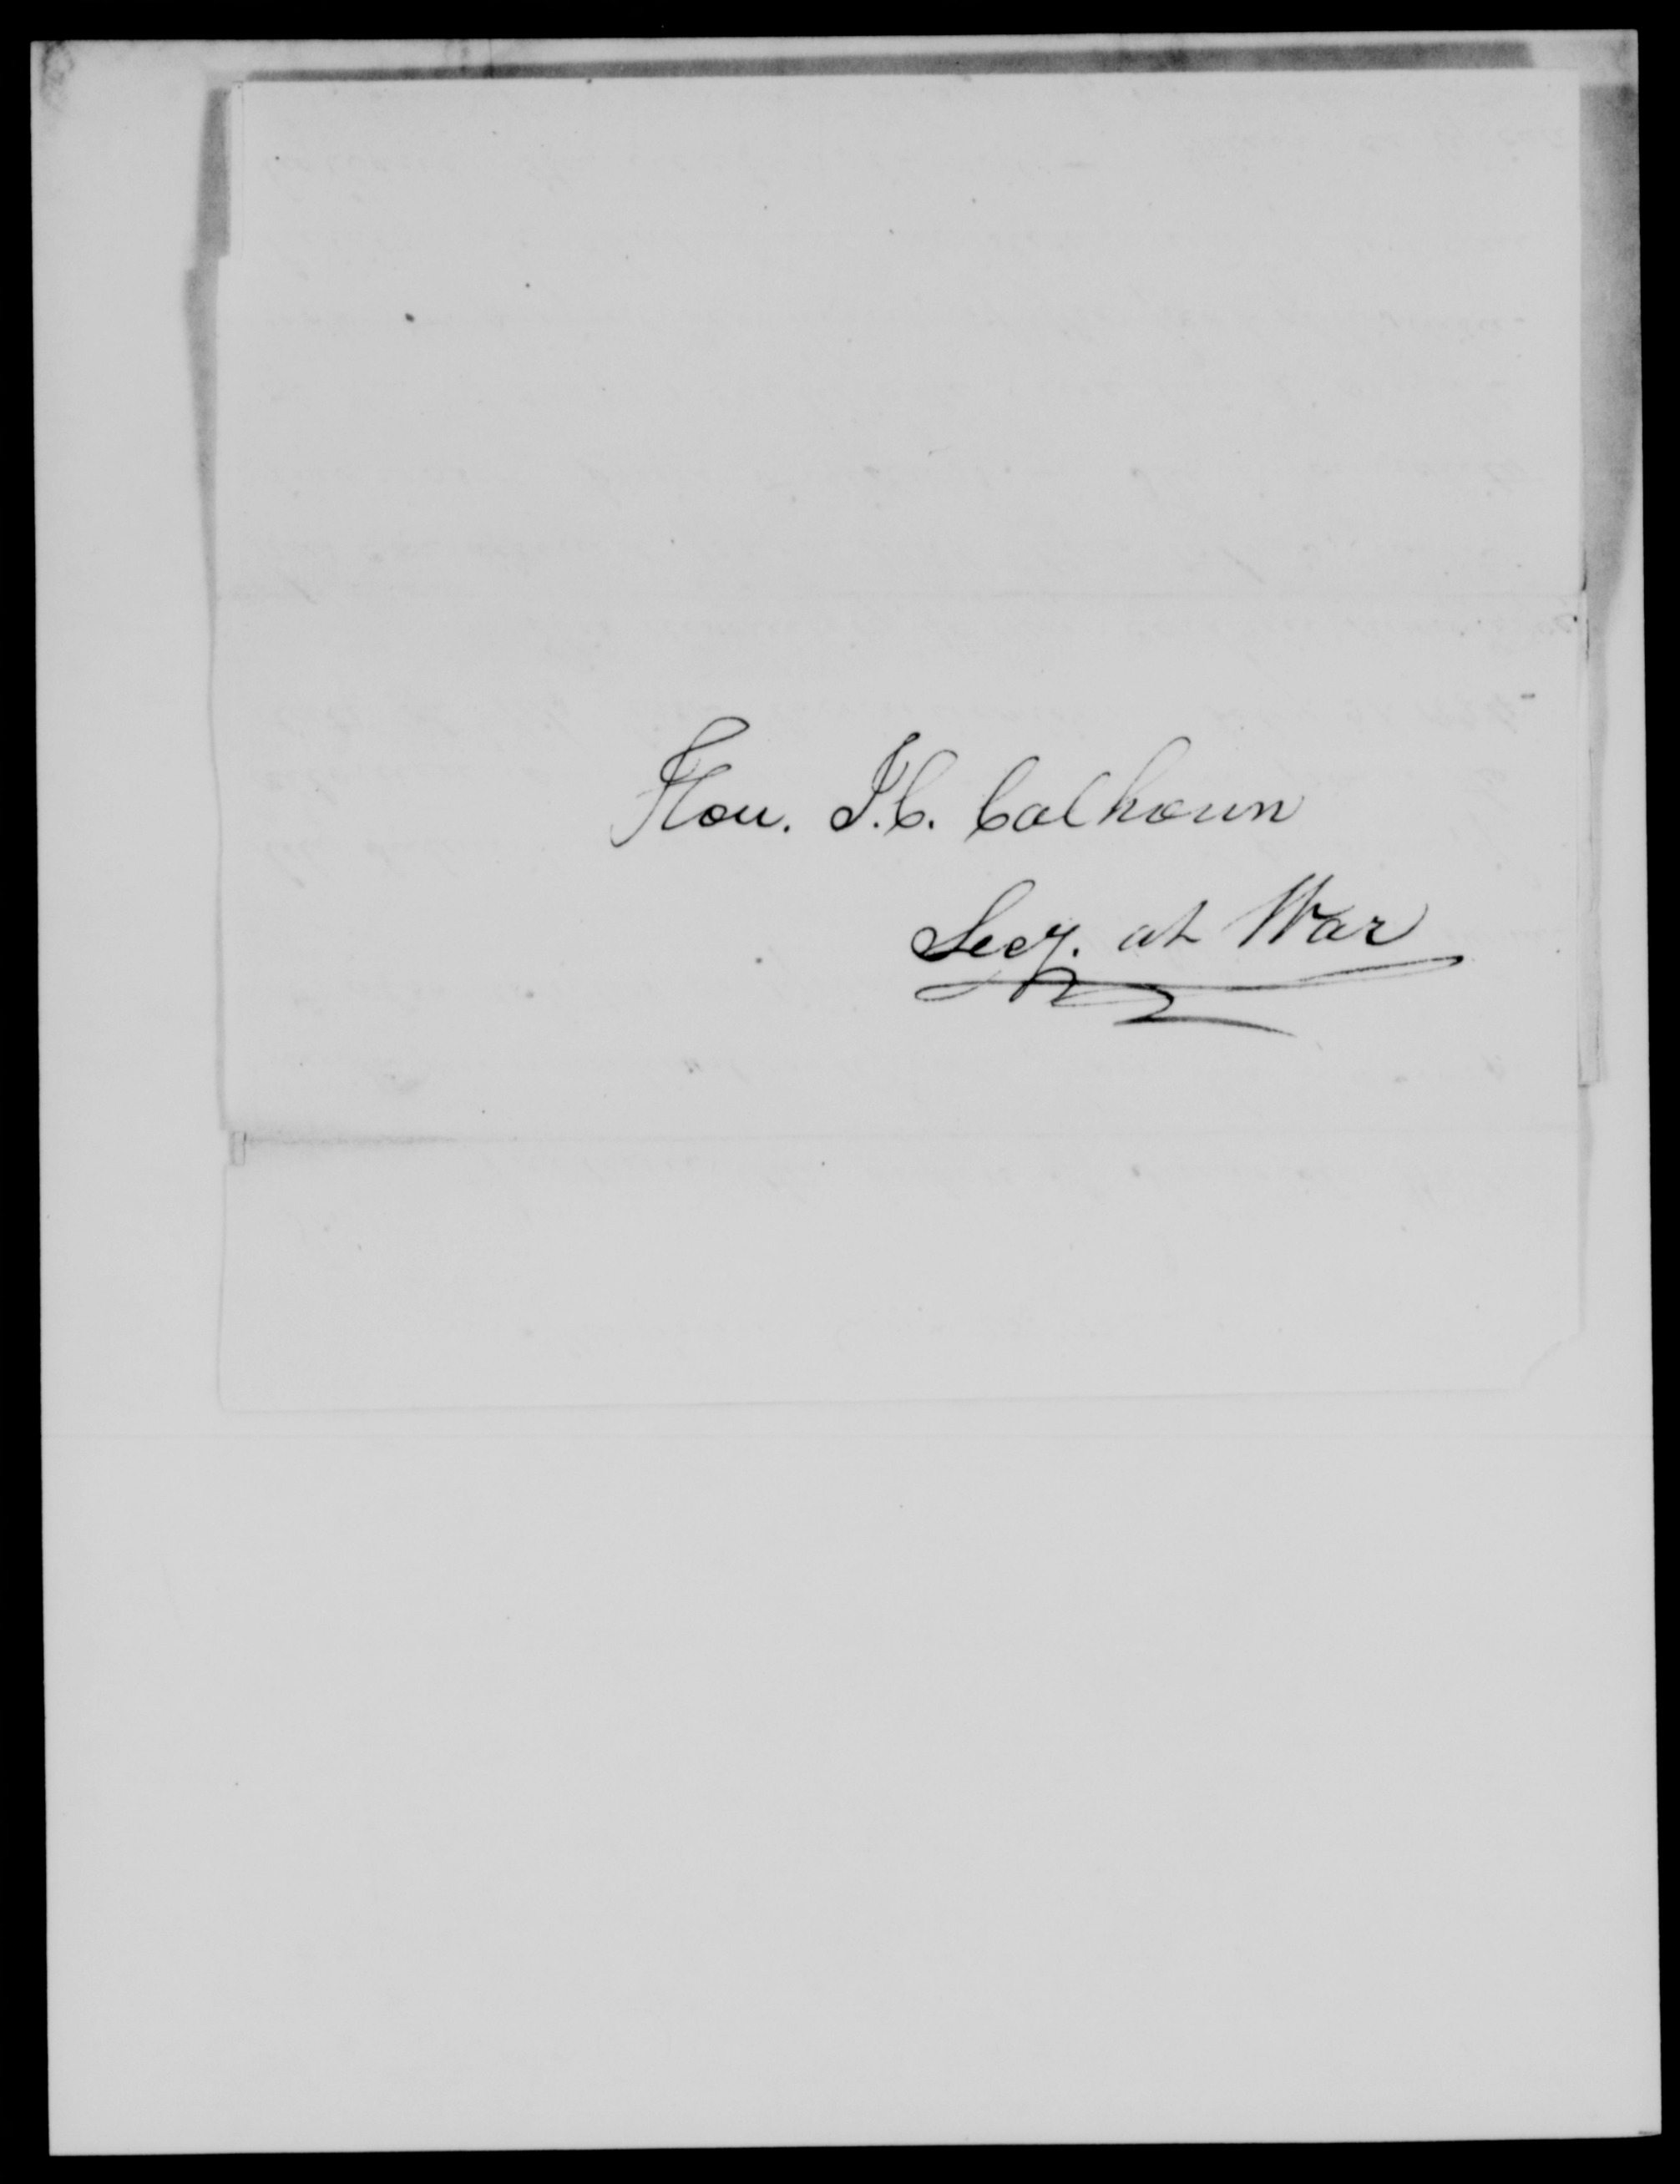Hon. J. C. Calhoun
Secy. at War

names: J C Calhoun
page: 58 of 79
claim: survivor's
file: S. 11759, Samuel White, Mass.